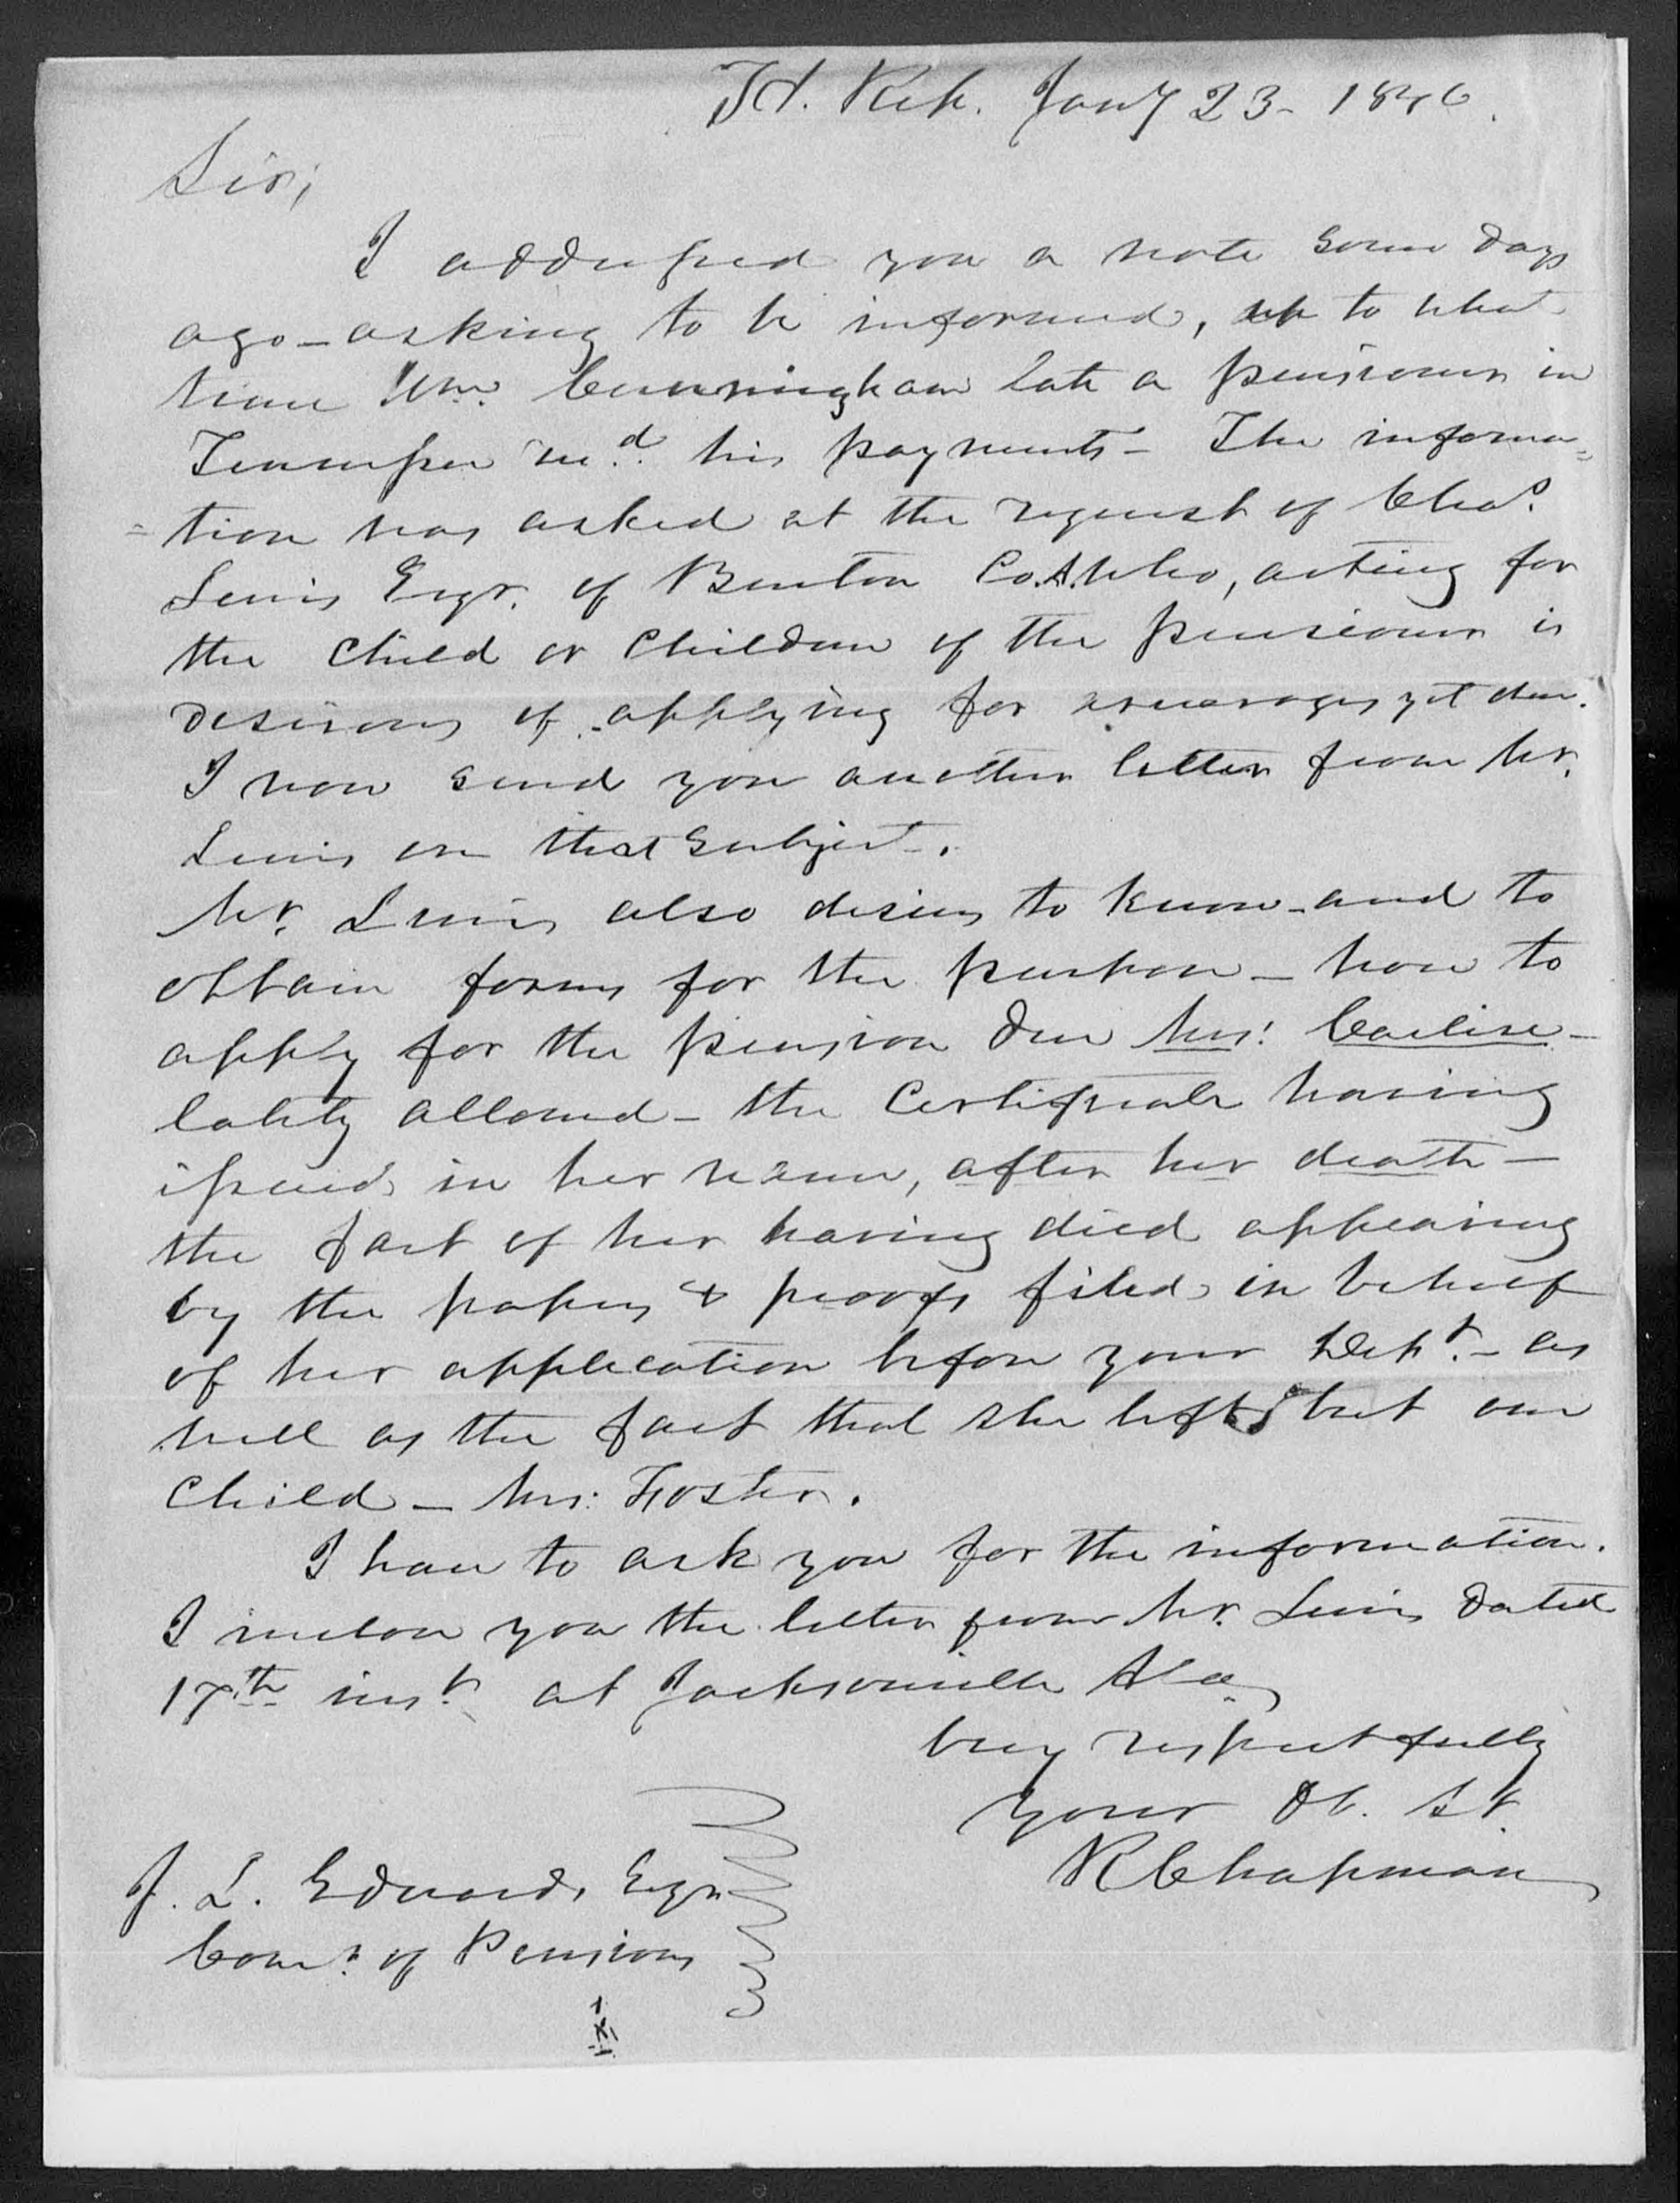H. R.  Jany 23. 1846
Sir,
I addressed you a note some days ago asking to be informed, up to what time Wm. Cunningham late a pensioner in Tennessee rec'd his payments. The information was asked at the request of Chas
Lewis Esqr of Benton Co. who, asking for the child or children of the pensioner is desirous of applying for arrearages yet due. I now send you another letter from Mr. Lewis in that subject

Mr. Lewis also desires to know - and to obtain forms for the pension-- how to apply for the pension due Mrs. Carlisle - lately allowed. the certificate having issued in her name, after her death - the fact  of her having died appearing by the papers & proofs filed in behalf of her application before your Dept as well as the fact that she left but one child- Mrs. Foster

I have to ask you for the information. I enclose you the letter from Mr. Lewis dated 17th inst at Jacksonille Ala

Very respectfully
Your ob. St.
R Chapman

J. L. Edwards Esq
Comm of Pensions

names: Cunningham, Carlise, Lewis, Lewis, J L Edwards, Foster, Chas Lewis, R Chapman, Lewis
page: 68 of 91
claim: widow's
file: W. 10576, Francis Carlisle, S.C.